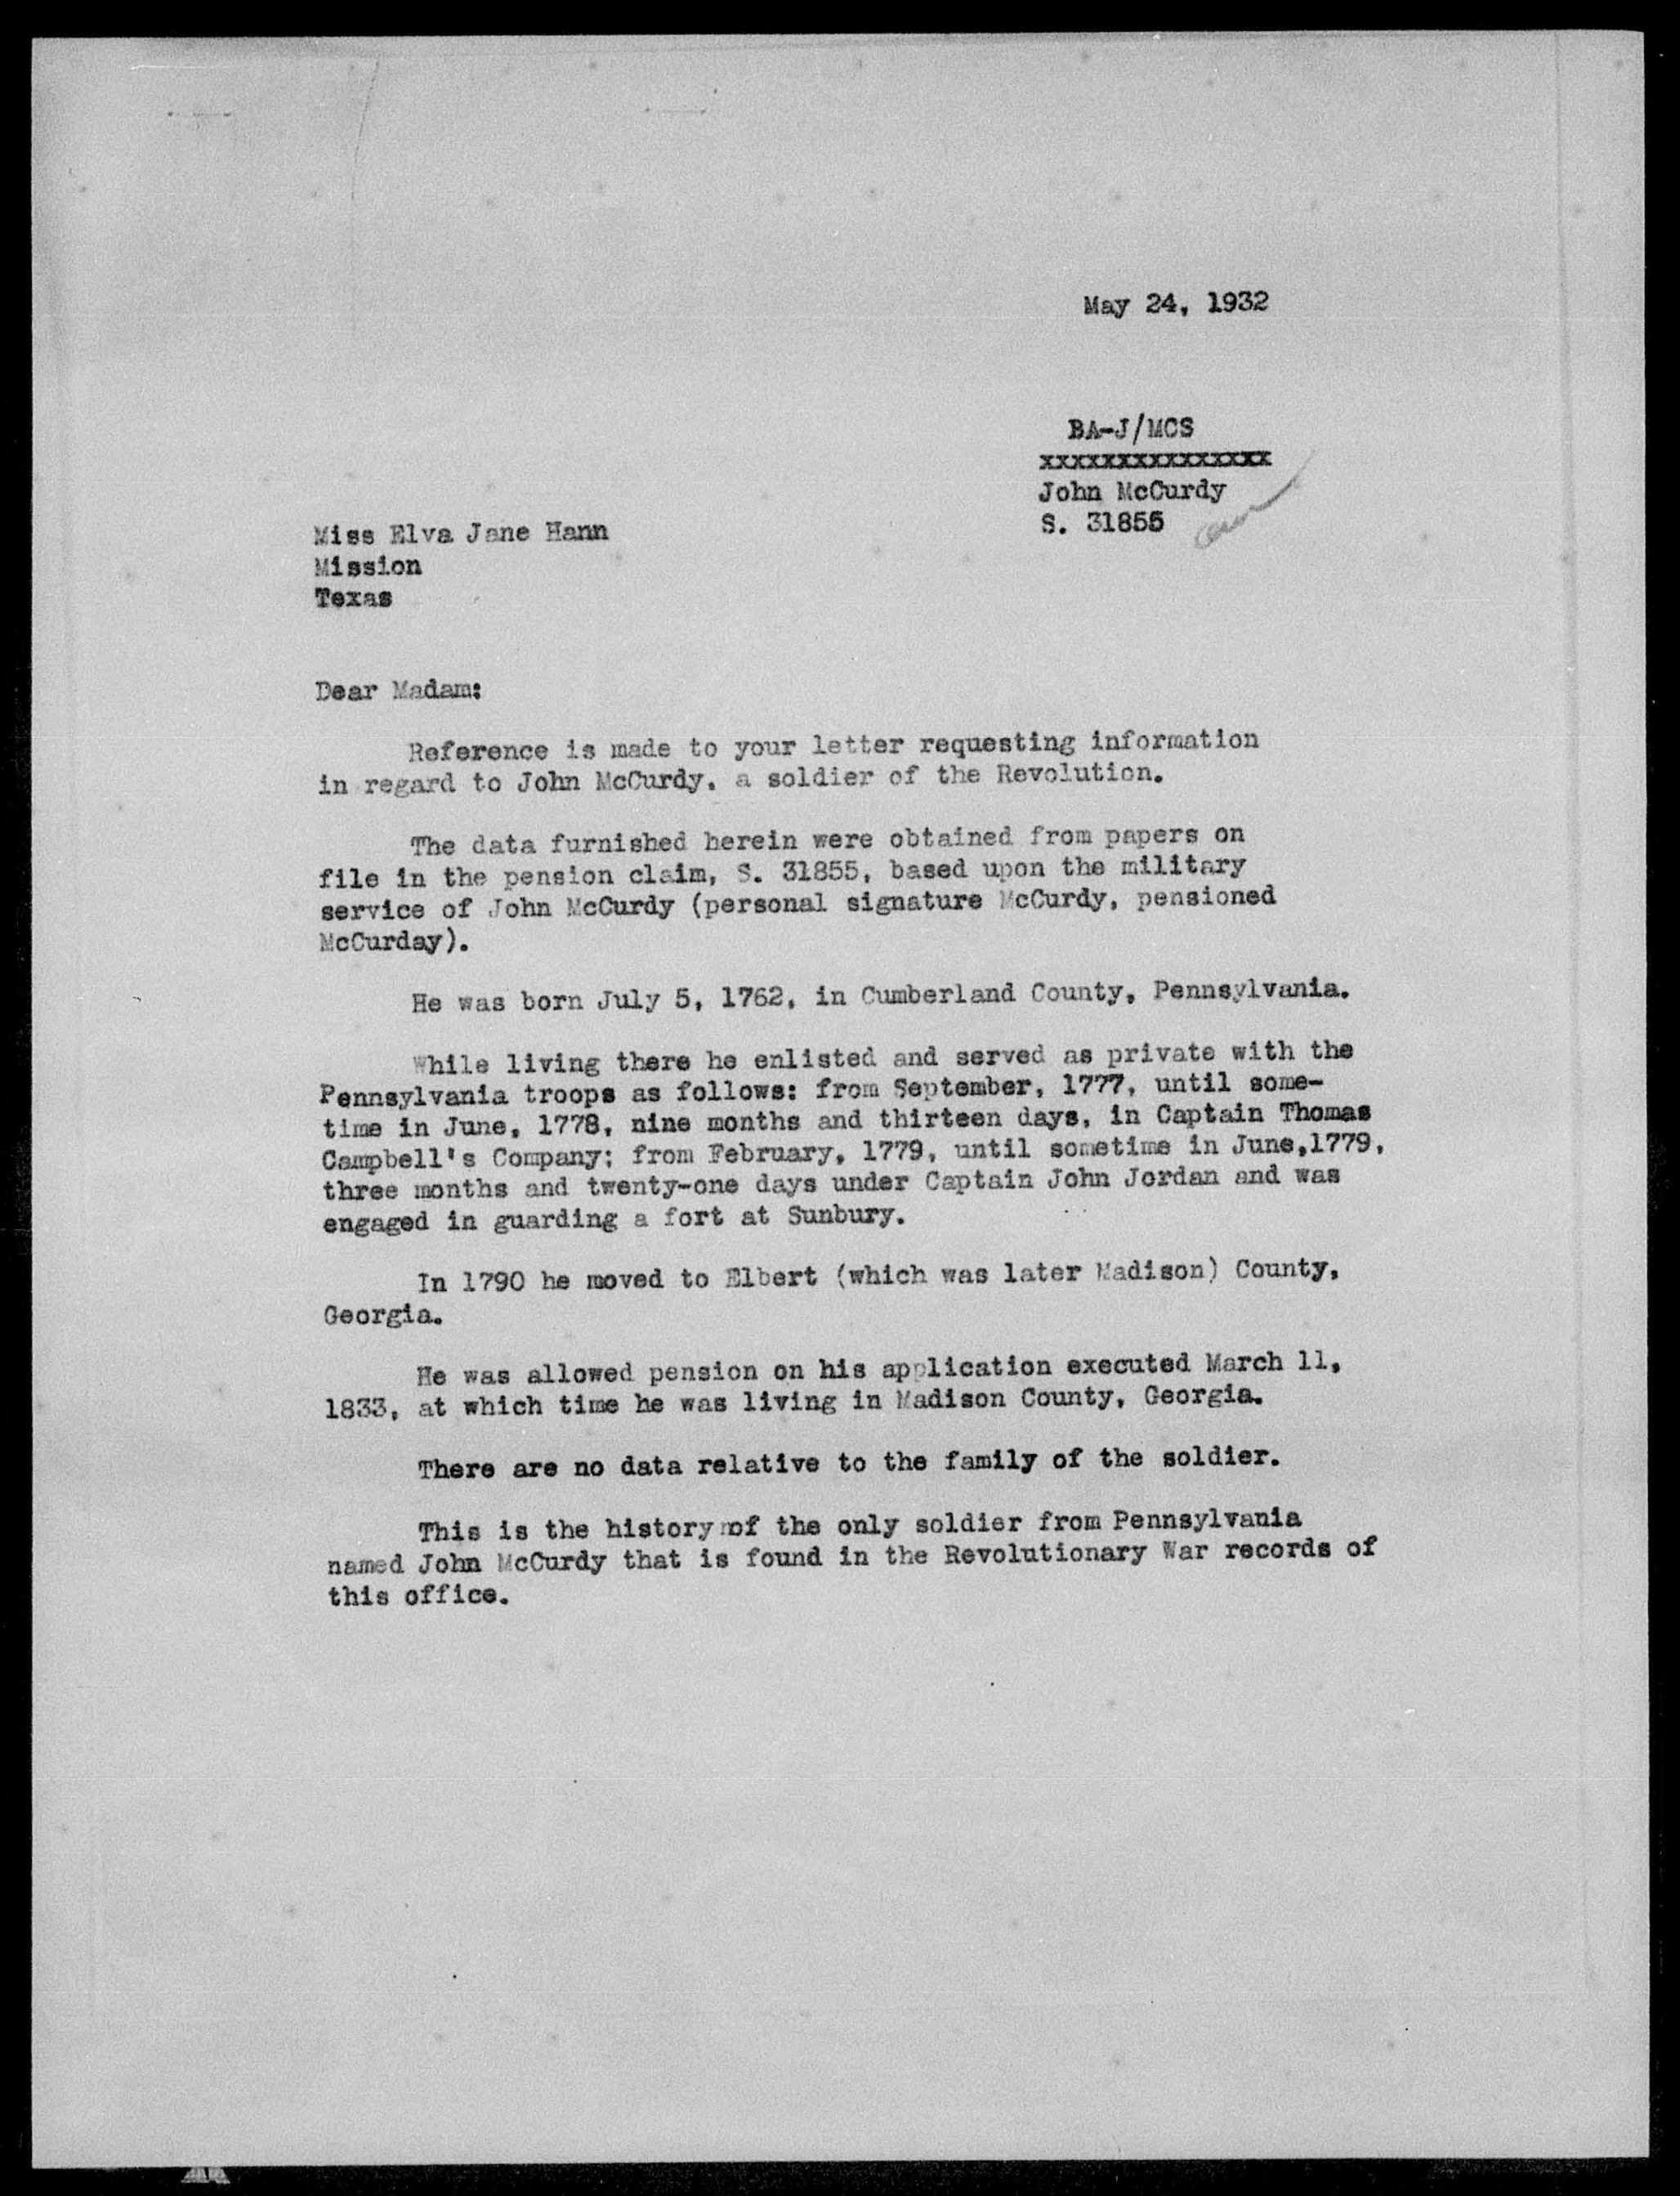May 24, 1932

BA-J/MS
XXXXXXXXXXXXXXX
John McCurdy
S. 31855

Miss Elva Jane Hann
Mission
Texas

Dear Madam:

      Reference is made to your letter requesting information
in regard to John McCurdy, a soldier of the Revolution.

      The data furnished herein were obtained from papers on
file in the pension claim, S. 31855, based upon the military
service of John McCurdy ( personal signature McCurdy, pensioned
McCurday).

      He was born July 5, 1762, in Cumberland County, Pennsylvania.

      While living there he enlisted and served as private with the
Pennsylvania troops as follows: from September, 1777, until some
time in June, 1778, nine months and thirteen days in Captain Thomas
Campbell's Company: from February, 1779, until sometime in June, 1779,
three months and twenty-one days under Captain John Jordan and was
engaged in guarding a fort at Sunbury.

      In 1790 he moved to Elbert ( which was later Madison County,
Georgia.

      He was allowed pension on his application executed March 11,
1833, at which time he was living in Madison County, Georgia.

     There are no data relative to the family of the soldier.

      This is the history of the only soldier from Pennsylvania
named John McCurdy that is found in the Revolutionary War records of
this office.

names: John Jordan; [BLANK] Mc Curday; Elva Jane Hann; John Mc Curdy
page: 11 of 19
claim: survivor's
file: S. 31,855, for John Mc Curdy, Pennsylvania